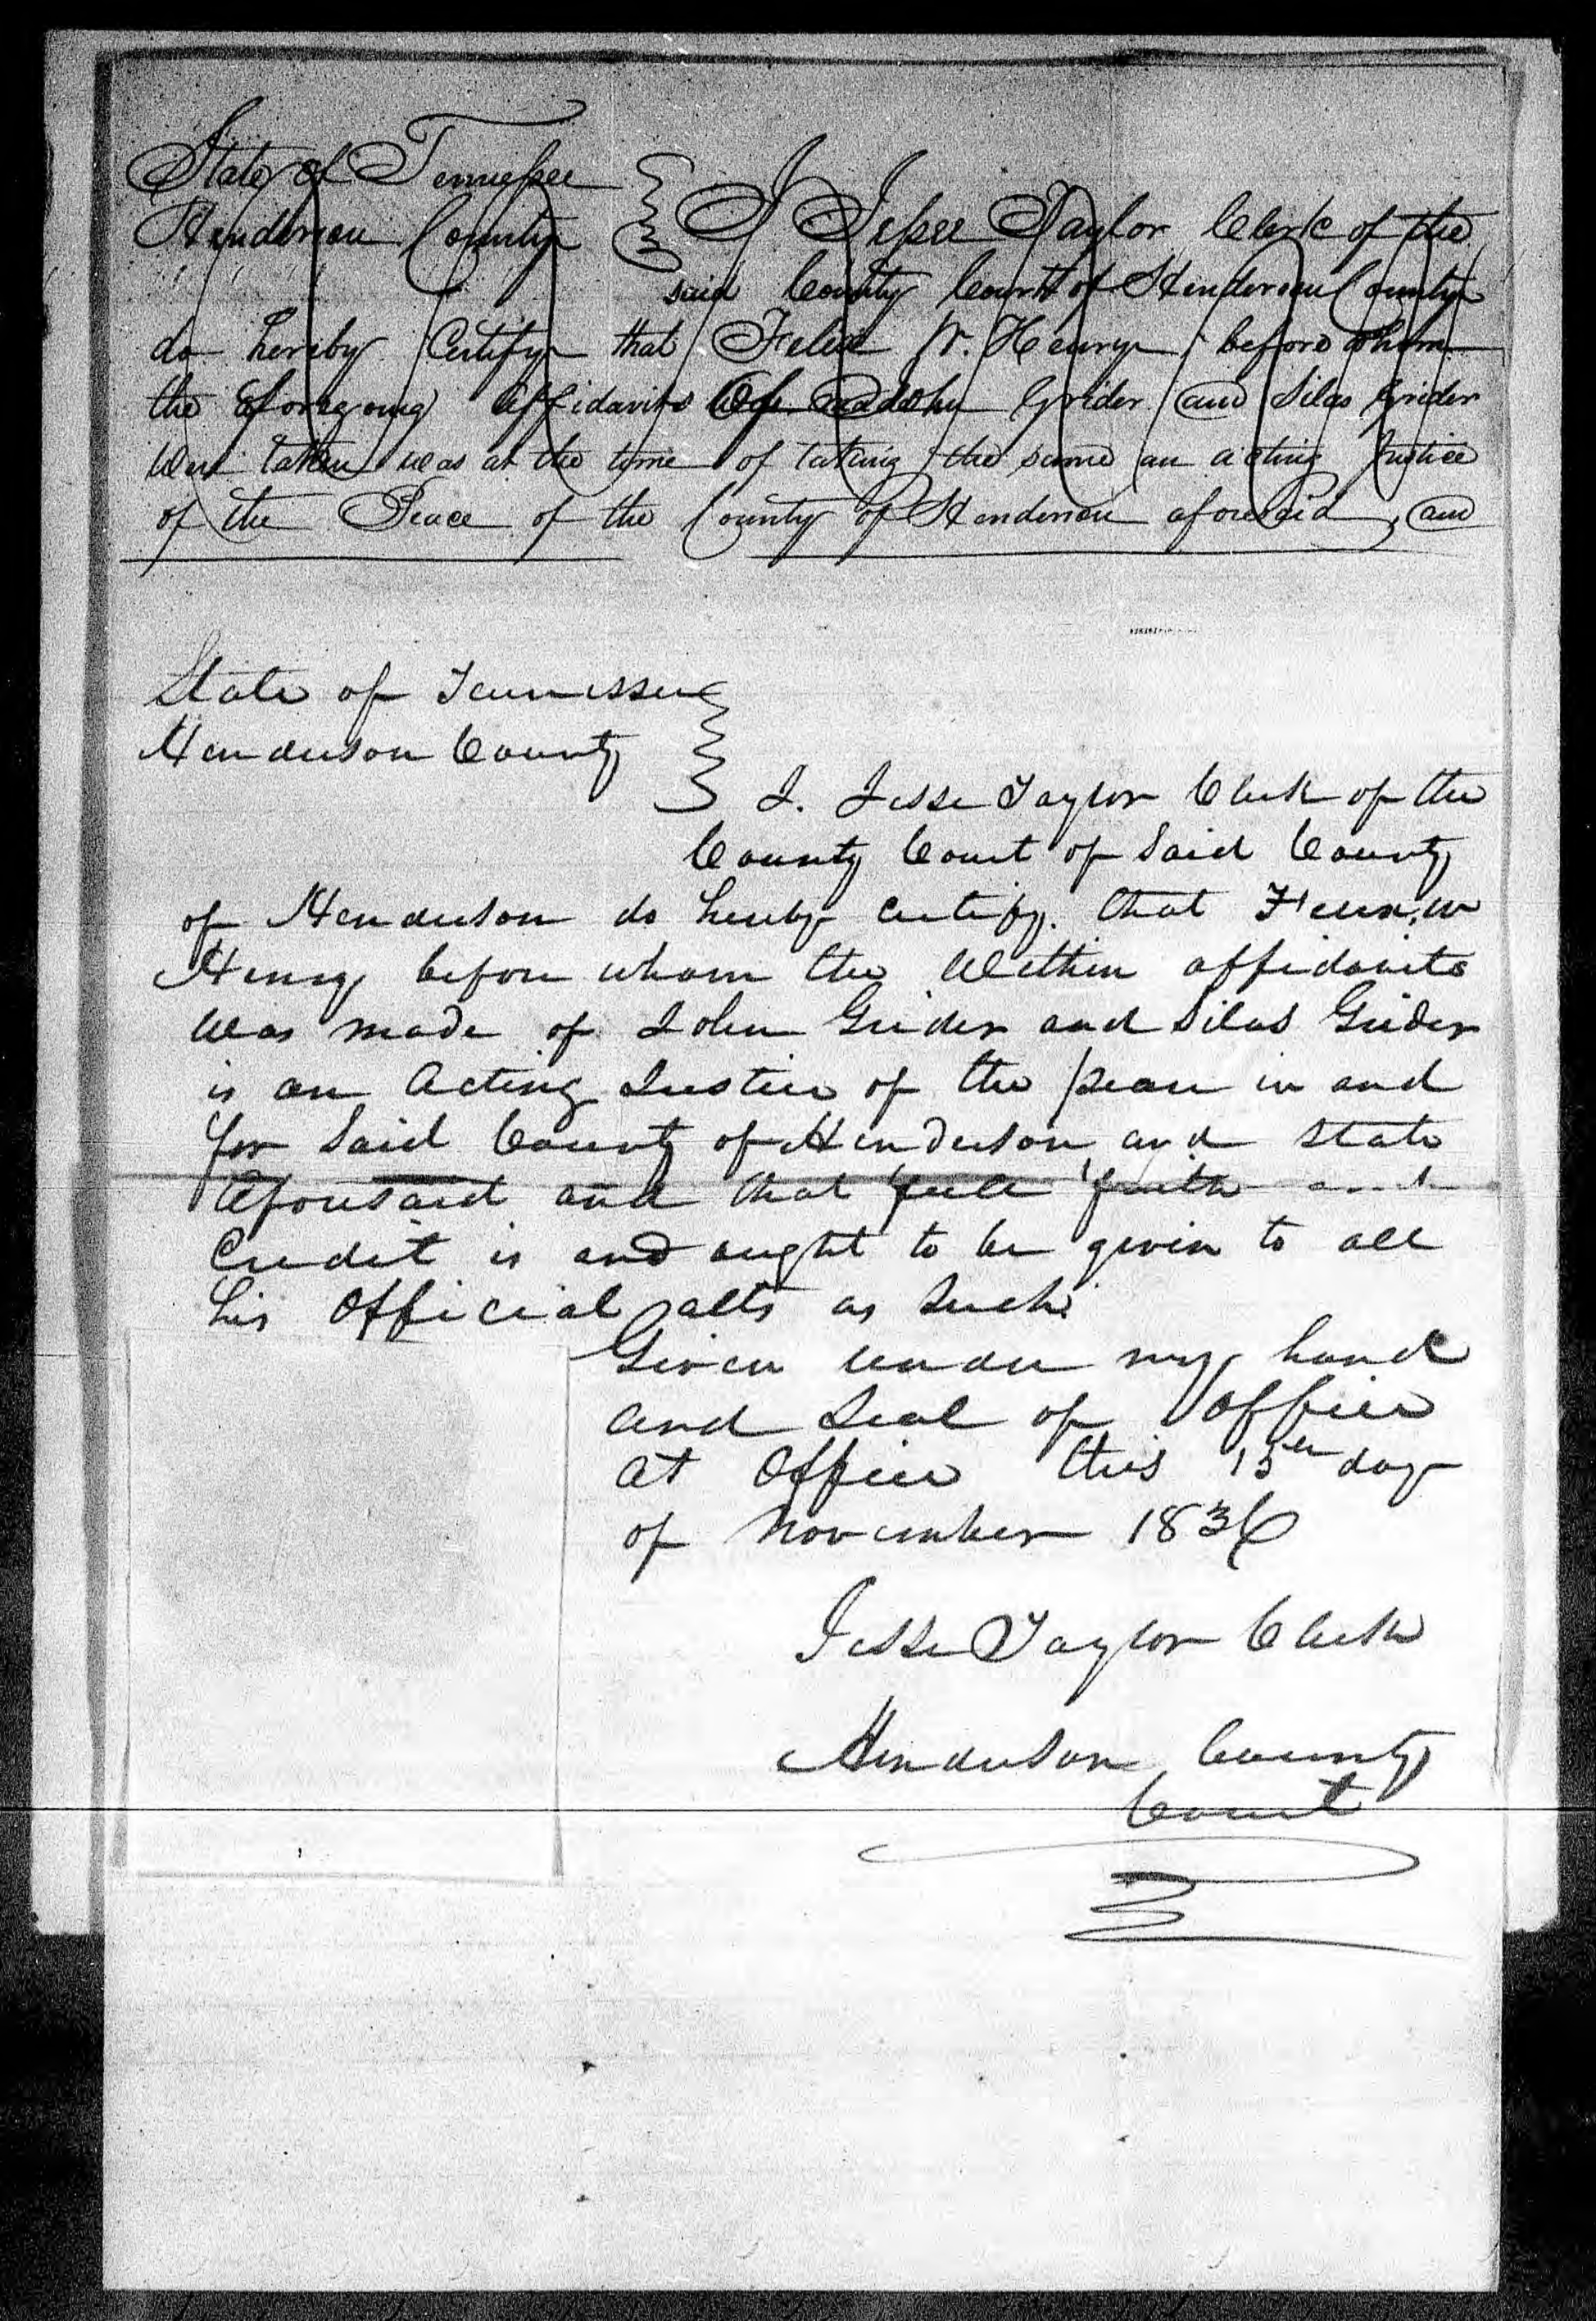[entire first paragraph marked out - 
State of Tennessee 
Henderson County  } I Jesse Taylor Clerk of the said County  Court of Henderson County do hereby certify that Felix W. Henry before whom the aforegoing affidavits of [illegible] Grider and Silas Grider were taken was at the time of taking the same an acting Jusice of the Peace of the county of Henderson afroesaid and ]

State of Tennessee 
Henderson County }   I Jesse Taylor Clerk of the County Court of Said County of Henderson do hereby certify that Felix W. Henry before whom the written affidavits was made of John Grider and Silas Grider is an acting Justice of the Peace in and for said county of Henderson and State aforesaid and that full faith and credit is  and ought to be given to all his official acts as such.
Given under my hand and seal of office at office this 15th day of November 1836  [signed] Jesse Taylor Clerk Henderson County Court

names: Felix W Henry, John Grider, Silas Grider, John Grider, Silas Grider, Felix W Henry, Jesse Taylor, Jesse Taylor, Jesse Taylor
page: 37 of 91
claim: widow's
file: W 358, John Grider, N.C.